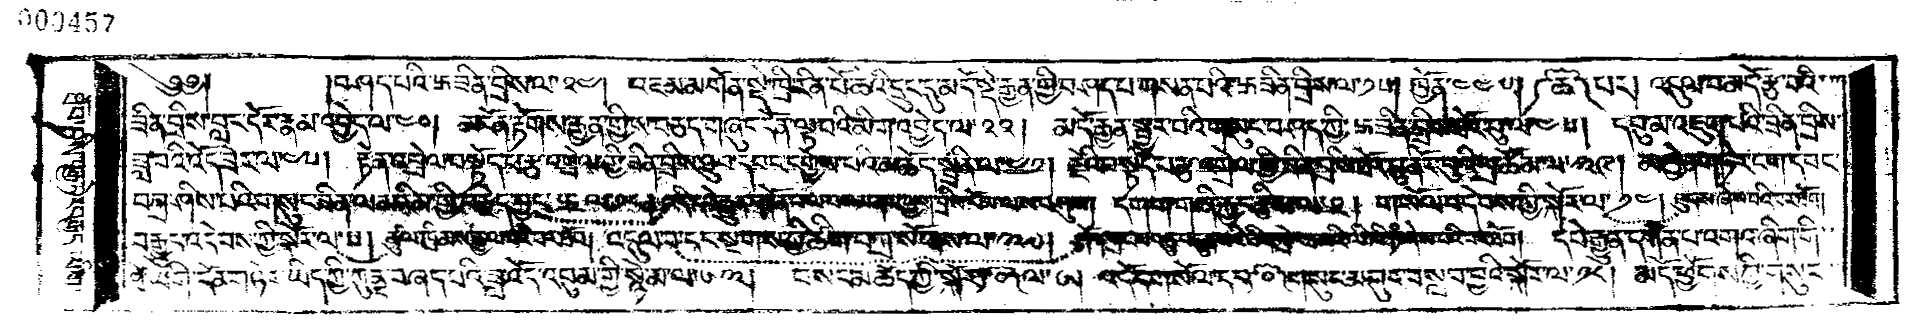༄༅། །བཤད་པའི་ཟིན་བྲིས་ལ ༢༤། འཇམ་མགོན་སྡེ་ཁྲི་རིན་པོ་ཆེའི་དྲུང་དུ་མདོ་སྡེ་རྒྱན་གྱི་བཤད་པ་གསན་པའི་ཟིན་བྲིས་ལ ༡༥། ཁྱོན ༤༤༧། ༼ཆ༽ པར། འདུལ་བ་མདོ་རྩ་བའི་
ཟིན་བྲིས་བླང་དོར་རྣམ་འབྱེད་ལ ༤༠། མངོན་རྟོགས་རྒྱན་གྱི་ས་བཅད་གཞུང་དོན་ལྟ་བའི་མིག་འབྱེད་ལ ༢༢། མདོ་རྒྱན་སྦྱར་བའི་གསུང་བཤད་ཀྱི་ཟིན་བྲིས་ཐོར་བུ་ལ ༤༥། དབུ་མ་འཇུག་པའི་ཟིན་བྲིས་
ཟླ་བའི་འོད་ཟེར་ལ ༤༥། རྟེན་འབྲེལ་བསྟོད་པ་རྩ་འགྲེལ་གྱི་ཟིན་བྲིས་ཐུབ་དབང་དགྱེས་པའི་མཆོད་སྤྲིན་ལ ༤༡། རྗེའི་བསྟོད་བརྩ་འགྲེལ་གྱི་ཟིན་བྲིས་ཐོར་བུ་ནོར་བུའི་ཕྲ་ཚོམ་ལ ༣༩། མཁྱེན་གཏེར་ངག་དབང་
བཀྲ་ཤིས་པའི་གསུང་ཟིན་ལམ་རིམ་གྱི་བརྗེད་བྱང་འདི་དཔེ་རྒྱུན་དཀོན་བ་ལ་བསམ་ནས་ཕྱག་བྲིས་ངོ་མ་ལས་བཤུས།  དགག་གཞི་རྐྱང་རྩིས་ལ ༢། གསོལ་འདེབས་ཀྱི་སྐོར་ལ་ཐུགས་ཞེས་བའི་བར་ཐོབ།
བརྒྱུད་འདེབས་ཀྱི་སྐོར་ལ་ཚུལ་ཁྲིམས་རྒྱལ་བའི་བར་ཐོབ།  འདུལ་བ་ཤོག་གྲངས་བཅུ་བདུན་པའི་ཐིག་ཕྲེང་ཐ་མའི་ལི་ཁི་ཏཾ་ཞེས་པའི་བར་ཐོབ།  དཔེ་རྒྱུན་དཀོན་པ་འགའ་ཞིག་གི་
ཐོ་ཡིག་དོན་གཉེར་ཡིད་ཀྱི་ཀུནྡ་བཞད་པའི་ཟླ་འོད་འབུམ་གྱི་སྙེ་མ་ལ ༦༣། བསང་མཆོད་ཀྱི་སྐོར ༼྾༽ ལ ༦། འདོད་གསོལ་དང ༼྾༽ གསུང་མགུར་བསླབ་བྱའི་སྐོར་ལ ༡༨། མདོ་ཕྱོགས་ཀྱི་གསུང་